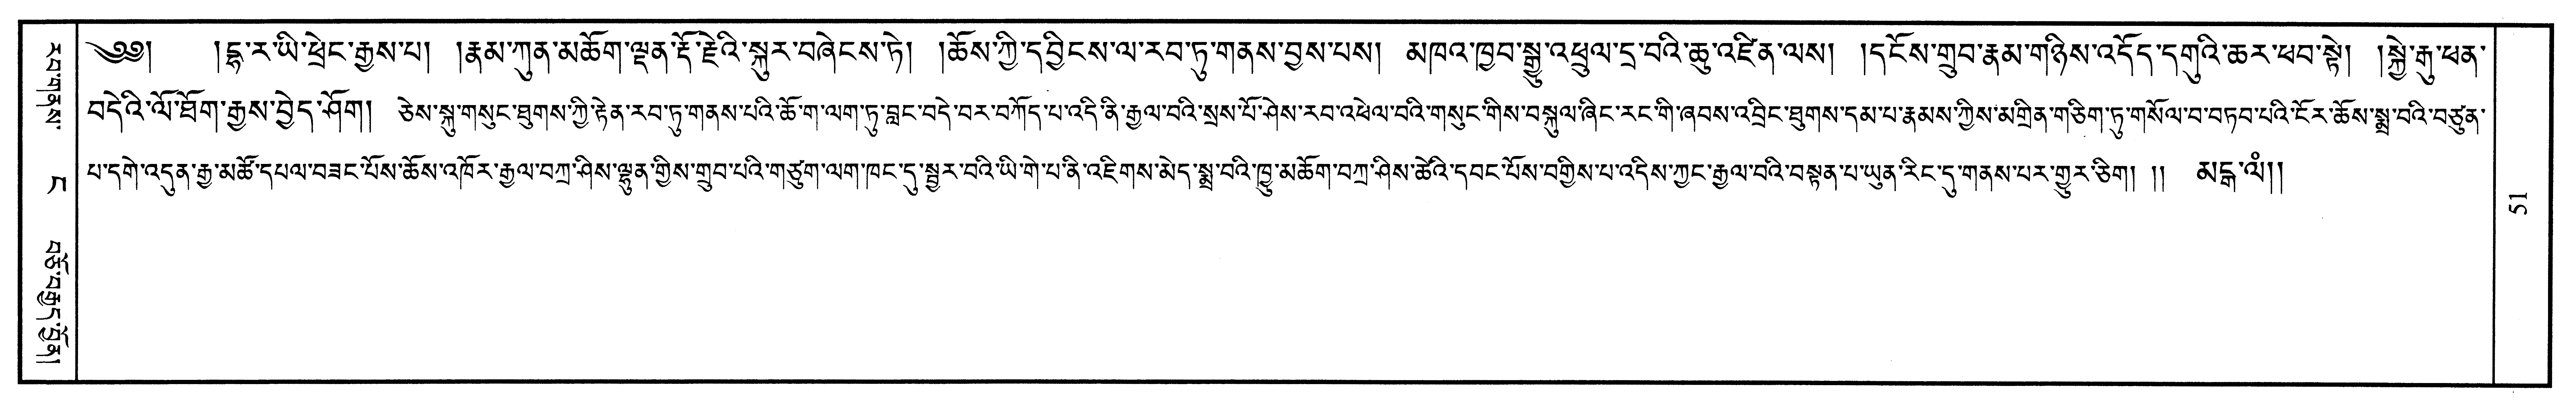༄༅། །དྷ་ར་ཡི་ཕྲེང་རྒྱས་པ། །རྣམ་ཀུན་མཆོག་ལྡན་རྡོ་རྗེའི་སྐུར་བཞེངས་ཏེ། །ཆོས་ཀྱི་དབྱིངས་ལ་རབ་ཏུ་གནས་བྱས་པས། མཁའ་ཁྱབ་སྒྱུ་འཕྲུལ་དྲ་བའི་ཆུ་འཛིན་ལས། །དངོས་གྲུབ་རྣམ་གཉིས་འདོད་དགུའི་ཆར་ཕབ་སྟེ། །སྐྱེ་རྒུ་ཕན་
བདེའི་ལོ་ཐོག་རྒྱས་བྱེད་ཤོག །ཅེས་སྐུ་གསུང་ཐུགས་ཀྱི་རྟེན་རབ་ཏུ་གནས་པའི་ཆོ་ག་ལག་ཏུ་བླང་བདེ་བར་བཀོད་པ་འདི་ནི་རྒྱལ་བའི་སྲས་པོ་ཤེས་རབ་འཕེལ་བའི་གསུང་གིས་བསྐུལ་ཞིང་རང་གི་ཞབས་འབྲིང་ཐུགས་དམ་པ་རྣམས་ཀྱིས་མགྲིན་གཅིག་ཏུ་གསོལ་བ་བཏབ་པའི་ངོར་ཆོས་སྨྲ་བའི་བཙུན་
པ་དགེ་འདུན་རྒྱ་མཚོ་དཔལ་བཟང་པོས་ཆོས་འཁོར་རྒྱལ་བཀྲ་ཤིས་ལྷུན་གྱིས་གྲུབ་པའི་གཙུག་ལག་ཁང་དུ་སྦྱར་བའི་ཡི་གེ་པ་ནི་འཇིགས་མེད་སྨྲ་བའི་ཁྱུ་མཆོག་བཀྲ་ཤིས་ཚེའི་དབང་པོས་བགྱིས་པ་འདིས་ཀྱང་རྒྱལ་བའི་བསྟན་པ་ཡུན་རིང་དུ་གནས་པར་གྱུར་ཅིག། །། མངྒ་ལཾ།།